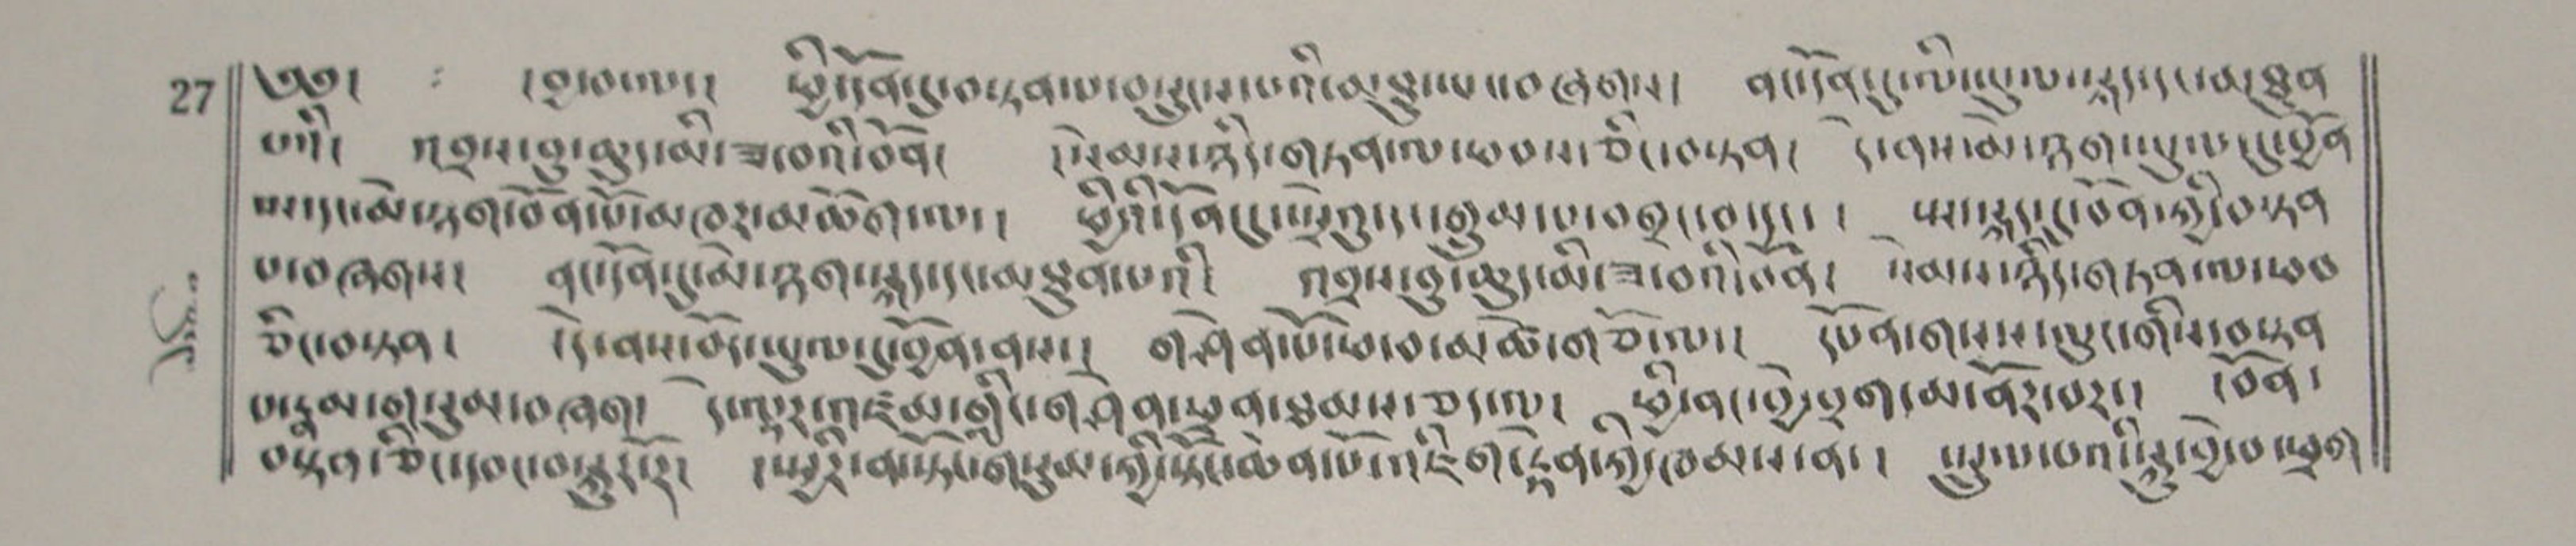༄༅། །བྱ་བ་ལ། ཕྱི་དོན་དུ་བསྟན་པ་བསྲུངས་པའི་མཐའ་ཡང་བསྟན། ནང་དོན་དུ་ལི་ཡུལ་སྐད་དང་མཐུན་
པའི། འབྲས་བུ་ཆུད་མི་ཟ་བའི་བོན། སེམས་ཉིད་གཏན་ལ་ཕབས་ཅིང་བསྟན། དེ་ནས་མེ་ཉག་ཡུལ་དུ་བྱོན་ནས། 
སྤ་དང་མེ་ཉག་བོན་པོ་མཁར་མཆོག་ལ། ཕྱིའི་དོན་དུ་སྤྲེའུ་དང་གྲུམ་བ་བགྲང་བགྲང་བ་དང་། སྤ་སྐད་དུ་བོན་གྱི་བསྟན་
པ་བཞག ནང་དོན་དུ་མེ་ཉག་སྐད་དང་མཐུན་པའི། འབྲས་བུ་ཆུད་མི་ཟ་བའི་བོན། སེམས་ཉིད་གཏན་ལ་ཕབས་
ནས་བསྟན། དེ་ནས་བོད་ཡུལ་དུ་བྱོན་ནས། གཤེན་པོ་ཕ་བ་མཚེ་གཅོ་ལ། དཔོན་གསས་ལུང་གི་བསྟན་
པ་རྣམ་གསུམ་བཞག དེ་ལྟར་འཛམ་གླིང་གཤེན་ཕྲན་ཐམས་ཅད། ཕྱི་ནང་བྱེ་བྲག་མ་ནོར་བར། བོན་
བསྟན་ཅིང་དབང་བསྐུར་རོ། །སྤྱིར་སྟོང་གསུམ་གྱི་སྟོང་ཆེན་པོ་འཇིག་རྟེན་གྱི་ཁམས་ན། སྤྲུལ་བའི་སྐུ་བྱེ་བ་ཕྲག་